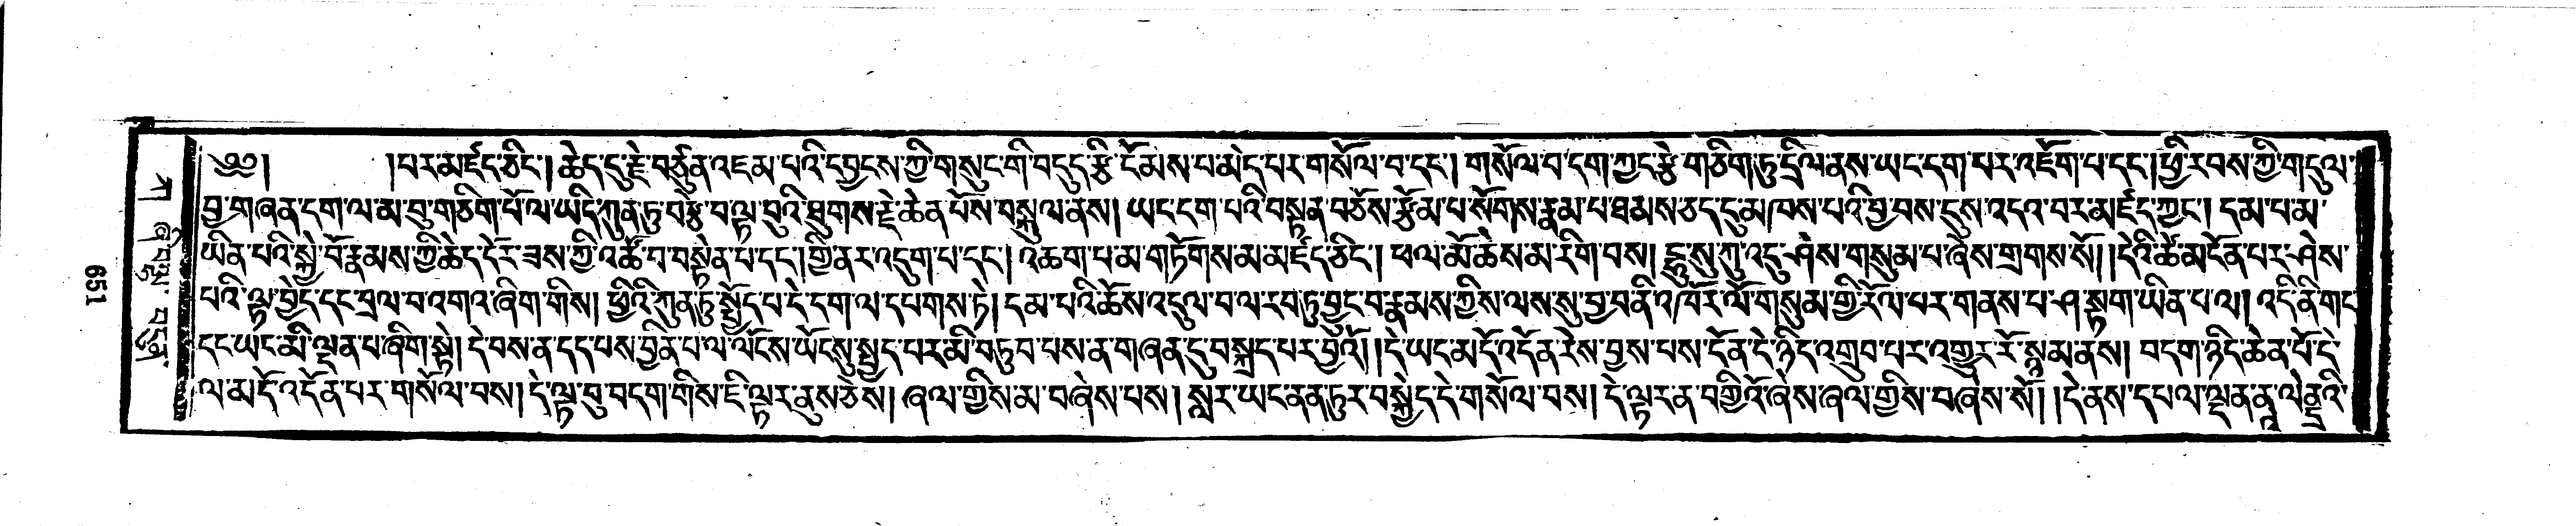༄༅། །པར་མཛད་ཅིང་། ཆེད་དུ་རྗེ་བཙུན་འཇམ་པའི་དབྱངས་ཀྱི་གསུང་གི་བདུད་རྩི་ངོམས་པ་མེད་པར་གསོལ་བ་དང་། གསོལ་བ་དག་ཀྱང་རྩེ་གཅིག་ཏུ་དྲིལ་ནས་ཡང་དག་པར་འཇོག་པ་དང་། ཕྱི་རབས་ཀྱི་གདུལ་
བྱ་གཞན་དག་ལ་མ་བུ་གཅིག་པོ་ལ་ཡིད་ཀུན་ཏུ་བརྩེ་བ་ལྟ་བུའི་ཐུགས་རྗེ་ཆེན་པོས་བསྐུལ་ནས། ཡང་དག་པའི་བསྟན་བཅོས་རྩོམ་པ་སོགས་རྣམ་པ་ཐམས་ཅད་དུ་མཁས་པའི་བྱ་བས་དུས་འདའ་བར་མཛད་ཀྱང་། དམ་པ་མ་
ཡིན་པའི་སྐྱེ་བོ་རྣམས་ཀྱི་ཆེད་དོར་ཟས་ཀྱི་འཚོ་བ་བསྟེན་པ་དང་། གྱི་ནར་འདུག་པ་དང་། འཆག་པ་མ་གཏོགས་མ་མཛད་ཅིང་། ཕལ་མོ་ཆེས་མ་རིག་པས། བྷུ་སུ་ཀུ་འདུ་ཤེས་གསུམ་པ་ཞེས་གྲགས་སོ། །དེའི་ཚེ་མངོན་པར་ཤེས་
པའི་ལྟ་བྱེད་དང་བྲལ་བ་འགའ་ཞིག་གིས། ཕྱིའི་ཀུན་ཏུ་སྤྱོད་པ་དེ་དག་ལ་དཔགས་ཏེ། དམ་པའི་ཆོས་འདུལ་བ་ལ་རབ་ཏུ་བྱུང་བ་རྣམས་ཀྱིས་ལས་སུ་བྱ་བ་ནི་འཁོར་ལོ་གསུམ་གྱི་རོལ་པར་གནས་པ་ཤ་སྟག་ཡིན་པ་ལ། འདི་ནི་གང་
དང་ཡང་མི་ལྡན་པ་ཞིག་སྟེ། དེ་བས་ན་དད་པས་བྱིན་པ་ལ་ལོངས་ཡོངས་སུ་སྤྱད་པར་མི་བཏུབ་པས་ན་གཞན་དུ་བསྐྲད་པར་བྱའོ། །དེ་ཡང་མདོ་འདོན་རེས་བྱས་པས་དོན་དེ་ཉིད་འགྲུབ་པར་འགྱུར་རོ་སྙམ་ནས། བདག་ཉིད་ཆེན་པོ་དེ་
ལ་མདོ་འདོན་པར་གསོལ་བས། དེ་ལྟ་བུ་བདག་གིས་ཇི་ལྟར་ནུས་ཅེས། ཞལ་གྱིས་མ་བཞེས་པས། སླར་ཡང་ནན་ཏུར་བསྐྱེད་དེ་གསོལ་བས། དེ་ལྟར་ན་བགྱིའོ་ཞེས་ཞལ་གྱིས་བཞེས་སོ། །དེ་ནས་དཔལ་ལྡན་ནཱ་ལེནྡྲའི་